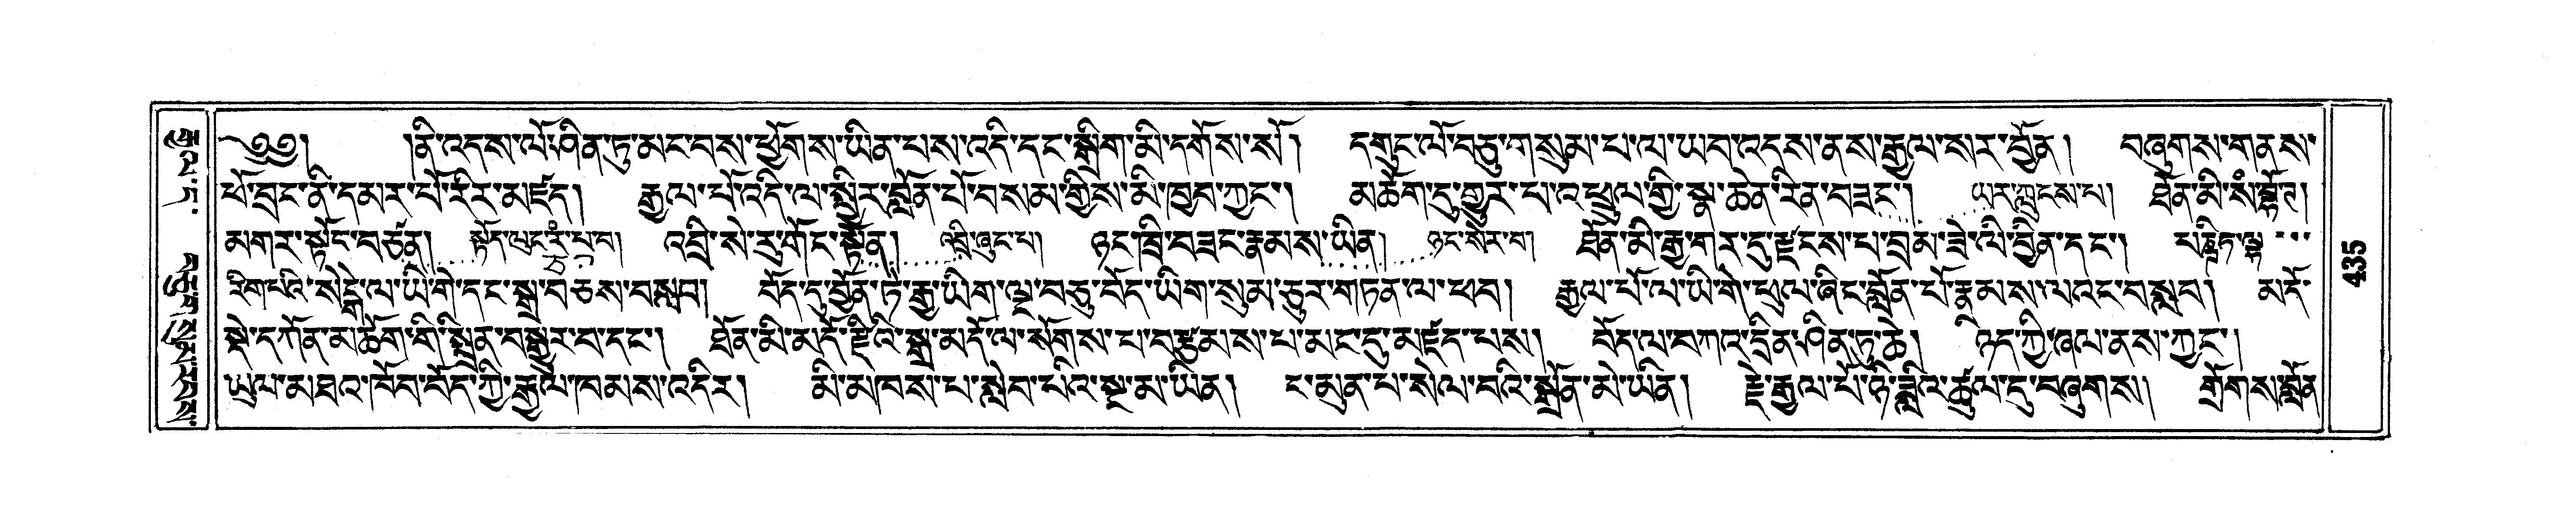༄༅། །ནི་འདས་ལོ་ཤིན་ཏུ་མང་བས་ཕྱོགས་ཡིན་པས་འདི་དང་སྒྲིག་མི་དགོས་སོ། དགུང་ལོ་བཅུ་གསུམ་པ་ལ་ཡབ་འདས་ནས་རྒྱལ་སར་བྱོན། བཞུགས་གནས་
ཕོ་བྲང་ནི་དམར་པོ་རིར་མཛད། རྒྱལ་པོ་འདི་ལ་སྤྱིར་བློན་པོ་བསམ་གྱིས་མི་ཁྱབ་ཀྱང་། མཆོག་དུ་གྱུར་པ་འཕྲུལ་གྱི་སྣ་ཆེན་རིན་བཟང་། ཡར་ཀླུངས་པ།  ཐོན་མི་སཾ་བྷོ་ཊ།
མགར་སྟོང་བཙན། སྟོད་ལུང་རཾ་པ་བ།  འབྲི་སེ་རུ་གོང་སྟོན། འབྲི་ཞུང་པ།  ཉང་ཁྲི་བཟང་རྣམས་ཡིན། ཉང་སེར་བ།  ཐོན་མི་རྒྱ་གར་དུ་རྫངས་པ་བྲམ་ཟེ་ལི་བྱིན་དང་། པཎྜིཏ་ལྷ་
རིག་པའི་སེངྒེ་ལ་ཡི་གེ་དང་སྒྲ་བཅས་བསླབ། བོད་དུ་བྱོན་ཏེ་རྒྱ་ཡིག་ལྔ་བཅུ་བོད་ཡིག་སུམ་ཅུར་གཏན་ལ་ཕབ། རྒྱལ་པོ་ལ་ཡི་གེ་ཕུལ་ཞིང་བློན་པོ་རྣམས་ལའང་བསླབ། མདོ་
སྡེ་དཀོན་མཆོག་གི་སྤྲིན་བསྒྱུར་བ་དང་། ཐོན་མི་མདོ་རྫིའི་སྒྲ་མདོ་ལ་སོགས་པ་བརྩམས་པ་མང་དུ་མཛད་པས། བོད་ལ་བཀའ་དྲིན་ཤིན་ཏུ་ཆེ། ཉིད་ཀྱི་ཞལ་ནས་ཀྱང་།
ཡུལ་མཐའ་ཁོབ་བོད་ཀྱི་རྒྱལ་ཁམས་འདིར། མི་མཁས་པ་སླེབ་པའི་སྔ་མ་ཡིན། ང་མུན་པ་སེལ་བའི་སྒྲོན་མེ་ཡིན། རྗེ་རྒྱལ་པོ་ཉི་ཟླའི་ཚུལ་དུ་བཞུགས། གྲོགས་བློན་